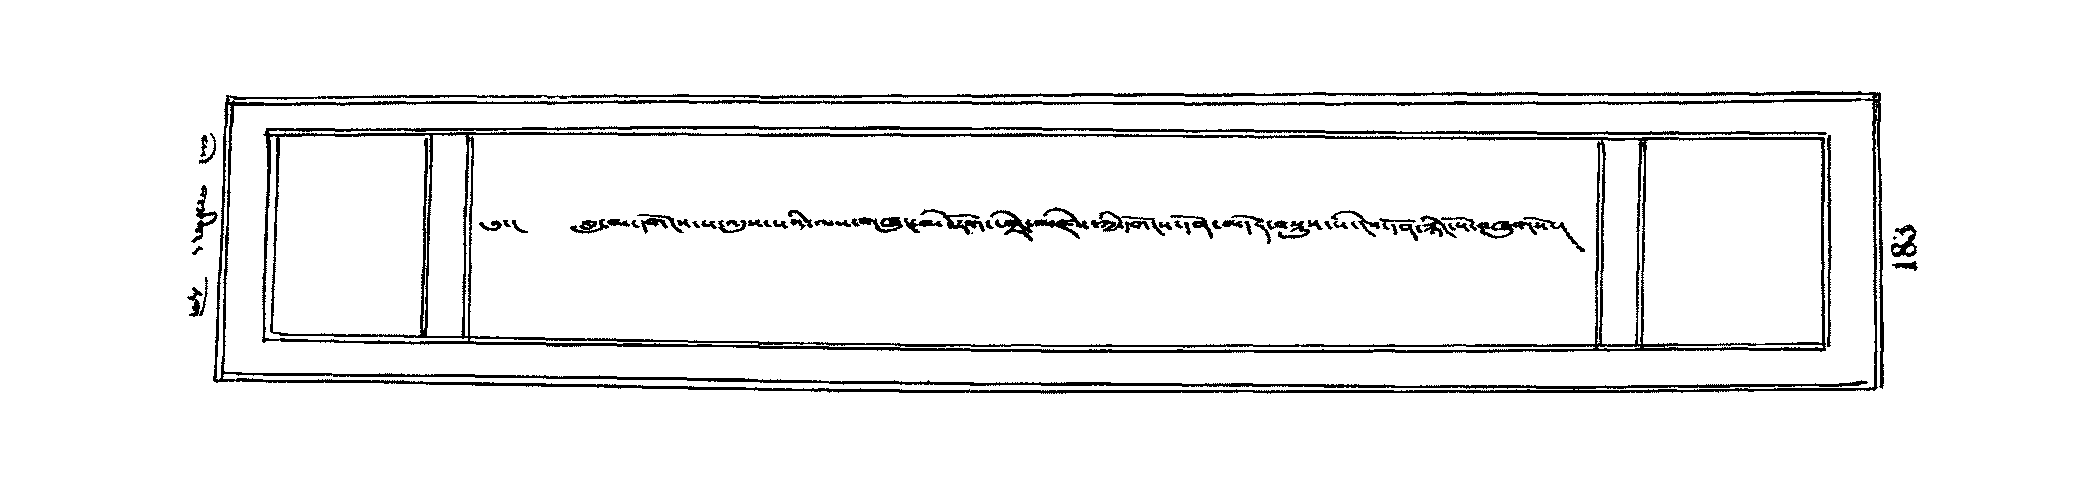༄། བླ་མ་དགོངས་པ་འདུས་པའི་ལས་གཞུང་མེ་ཏོག་ཕྲེང་མཛེས་ཀྱི་དགོངས་དོན་མདོར་བསྡུས་པ་ངེས་དོན་རྙིང་པོ་བཞུགས་སོ།